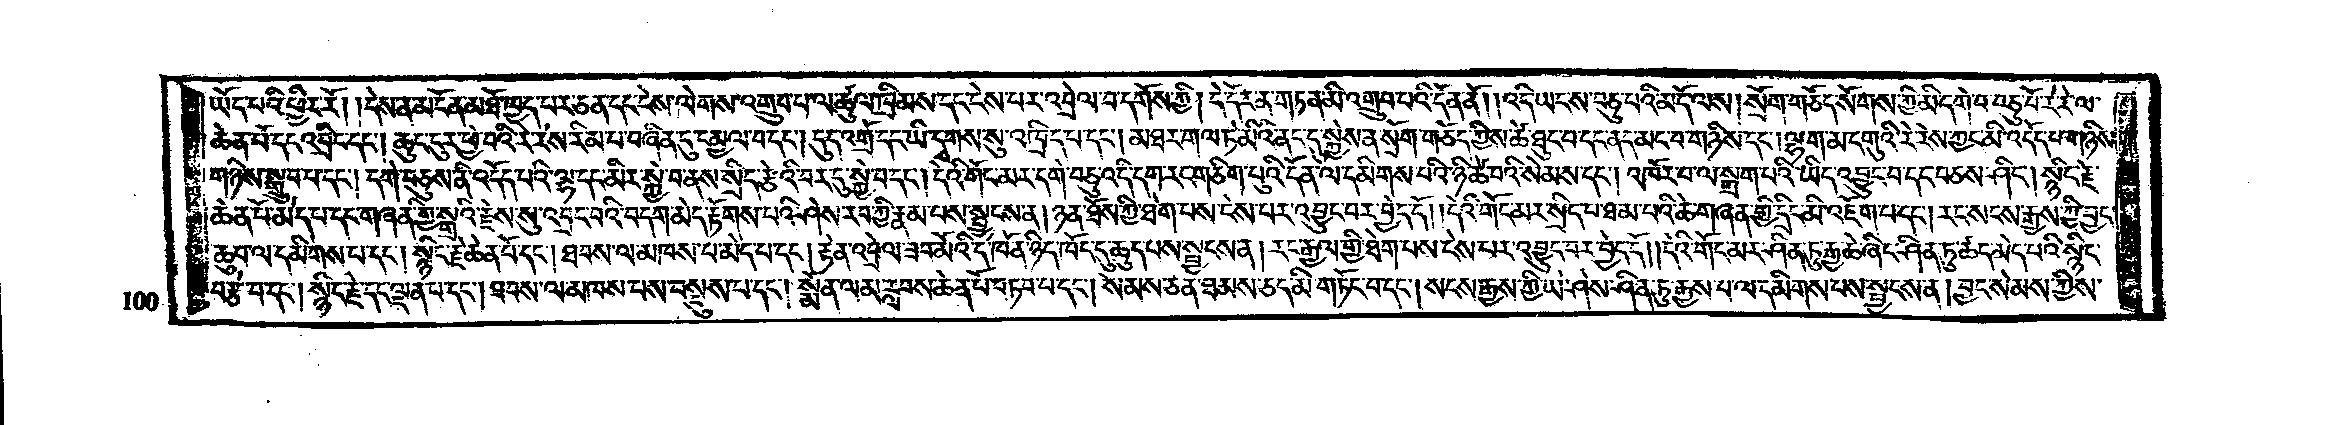ཡོད་པའི་ཕྱིར་རོ། །དེས་ན་མངོན་མཐོ་ཁྱད་པར་ཅན་དང་ངེས་ལེགས་འགྲུབ་པ་ལ་ཚུལ་ཁྲིམས་དང་ངེས་པར་འབྲེལ་བ་དགོས་ཀྱི། དེ་དོར་ན་གཏན་མི་འགྲུབ་པའི་དོན་ནོ། །འདི་ཡང་ས་བཅུ་པའི་མདོ་ལས། སྲོག་གཅོད་སོགས་ཀྱི་མི་དགེ་བ་བཅུ་པོ་རེ་རེ་ལ་
ཆེན་པོ་དང་འབྲིང་དང་། ཆུང་ངུར་ཕྱེ་བའི་རེ་རེས་རིམ་པ་བཞིན་དུ་དམྱལ་བ་དང་། དུད་འགྲོ་དང་ཡི་དྭགས་སུ་འཁྲིད་པ་དང་། མཐར་གལ་ཏེ་མིའི་ནང་དུ་སྐྱེས་ན་སྲོག་གཅོད་ཀྱིས་ཚེ་ཐུང་བ་དང་ནད་མང་བ་གཉིས་དང་། ལྷག་མ་དགུའི་རེ་རེས་ཀྱང་མི་འདོད་པ་གཉིས་
གཉིས་སྒྲུབ་པ་དང་། དགེ་བཅུས་ནི་འདོད་པའི་ལྷ་དང་མིར་སྐྱེ་བ་ནས་སྲིད་རྩེའི་བར་དུ་སྐྱེ་བ་དང་། དེའི་གོང་མར་དགེ་བཅུ་འདི་དག་རང་གཅིག་པུའི་དོན་ལ་དམིགས་པའི་ཉི་ཚེ་བའི་སེམས་དང་། འཁོར་བ་ལ་སྐྲག་པའི་ཡིད་འབྱུང་བ་དང་བཅས་ཤིང་། སྙིང་རྗེ་
ཆེན་པོ་མེད་པ་དང་གཞན་གྱི་སྒྲའི་རྗེས་སུ་འབྲང་བའི་བདག་མེད་རྟོགས་པའི་ཤེས་རབ་ཀྱི་རྣམ་པས་སྦྱངས་ན། ཉན་ཐོས་ཀྱི་ཐེག་པས་ངེས་པར་འབྱུང་བར་བྱེད་དོ། །དེའི་གོང་མར་སྲིད་པ་ཐ་མ་པའི་ཚེ་གཞན་གྱི་དྲིང་མི་འཇོག་པ་དང་། རང་སངས་རྒྱས་ཀྱི་བྱང་
ཆུབ་ལ་དམིགས་པ་དང་། སྙིང་རྗེ་ཆེན་པོ་དང་། ཐབས་ལ་མཁས་པ་མེད་པ་དང་། རྟེན་འབྲེལ་ཟབ་མོའི་དེ་ཁོ་ན་ཉིད་ཁོང་དུ་ཆུད་པས་སྦྱངས་ན། རང་རྒྱལ་གྱི་ཐེག་པས་ངེས་པར་འབྱུང་བར་བྱེད་དོ། །དེའི་གོང་མར་ཤིན་ཏུ་རྒྱ་ཆེ་ཞིང་ཤིན་ཏུ་ཚད་མེད་པའི་སྙིང་
བརྩེ་བ་དང་། སྙིང་རྗེ་དང་ལྡན་པ་དང་། ཐབས་ལ་མཁས་པས་བསྡུས་པ་དང་། སྨོན་ལམ་རླབས་ཆེན་པོ་བཏབ་པ་དང་། སེམས་ཅན་ཐམས་ཅད་མི་གཏོང་བ་དང་། སངས་རྒྱས་ཀྱི་ཡེ་ཤེས་ཤིན་ཏུ་རྒྱས་པ་ལ་དམིགས་པས་སྦྱངས་ན། བྱང་སེམས་ཀྱིས་